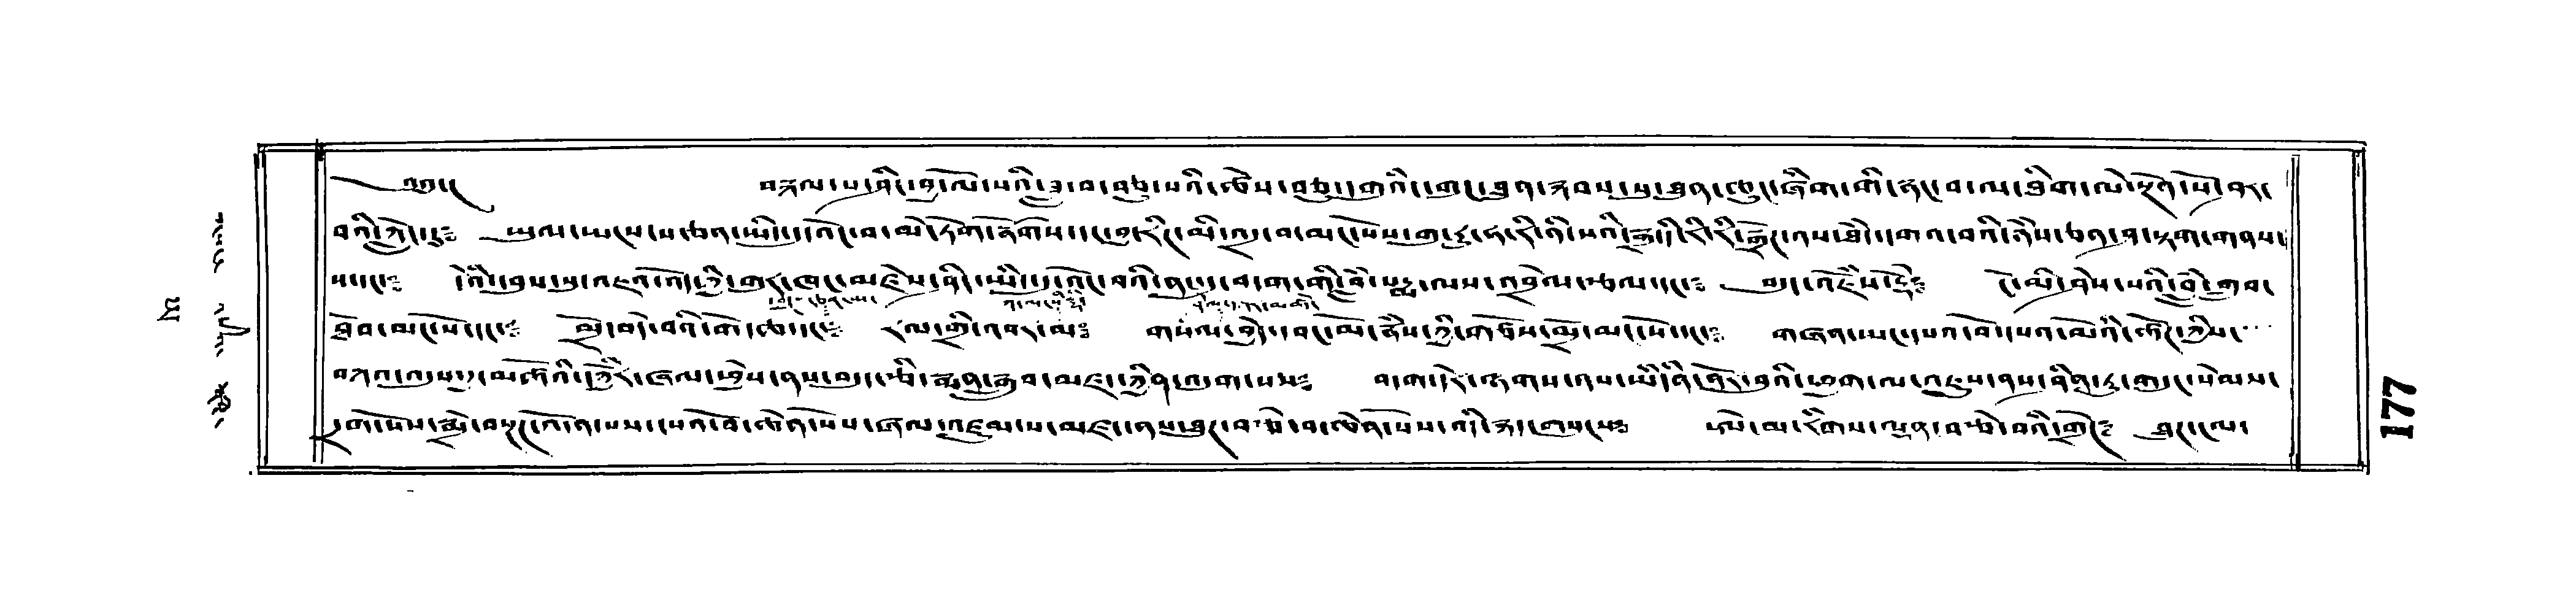བསྐལ་པ་ཤིང་བྱ་ལོ་པའི་ཟླ་བ་བཅུ་པའི་ཚེས་བཅུ་དགུའི་དགུང་ཐུན་སྐབས་སུ་ཐུན་ཆུང་ཞིག་གི་སྣང་བ་ལ་ཐིག་ལེ་སྔོན་པོ་ཤར་
བའི་ཀློང་དུ༔ ཡུལ་ཡངས་པ་ཅན་ཡིད་དུ་འོང་བ་མེ་ཏོག་སྣ་ཚོགས་དང་བྱ་རིགས་མི་འདྲ་བ་མང་པོས་གུ་རུ་ཧ་རི་ནི་སའི་སྒྲ་དི་རི་རི་སྒྲོགས་ནས་ཐམས་ཅད་དགའ་བའི་ཉམས་ཅན་ཤ་སྟག་གནས་
པ་དང༔ དེའི་དབུས་སུ་འཇའ་འོད་ཀྱི་དགུར་ཁང་མཛེས་ཤིང་ཡིད་དུ་འོང་བའི་ནང་དུ་བདག་གི་བླ་མ་པདྨ་ལས་འབྲེལ་རྩལ་དངཿ བདུད་འཇོམས་རྡོ་རྗེ༔ ངོ་མི་ཤེས་པའི་བླ་མ་གྲུབ་
ཐོབ་མང་པོ་དང༔ མཁའ་འགྲོ་བདེ་བའི་གོ་ཆ་དང༔ རལ་གྲི་འབར་མ༔ གསལ་བྱེད་དབང་མོ་རྣམས་ཀྱི་གཙོས་མཁའ་འགྲོ་མང་པོ་དང༔ གཞན་ཡང་དཔའ་བོ་དཔའ་མོའི་ཚོགས་ཀྱིས་
བཀའ་འདུས་རྒྱ་མཚོའི་དཀྱིལ་འཁོར་ཞལ་ཕྱེས་ནས་བདུད་རྩི་སྨན་སྒྲུབ་མཛད་ཀྱིན་འདུག་པས༔ བདག་དེར་ལྷགས་ནས་ཡིད་བཞིན་ནོར་བུའི་ཕྱག་ལ་འཇུས་ནས་ཤིན་ཏུ་གདུང་སེམས་
དྲག་པོས་སྨྲེ་སྔགས་བཏོན་པས་དཔའ་བོ་ཆེན་པོས་ཞལ་འཛུམ་པ་མཛད་ནས་ཐུགས་བརྩེ་བ་ཆེན་པོས་འདི་སྐད་གསུངས༔ ཨེ་མ་རིགས་ལྡན་བརྩེ་བའི་གྲོགས༔ ཐུགས་ངལ་